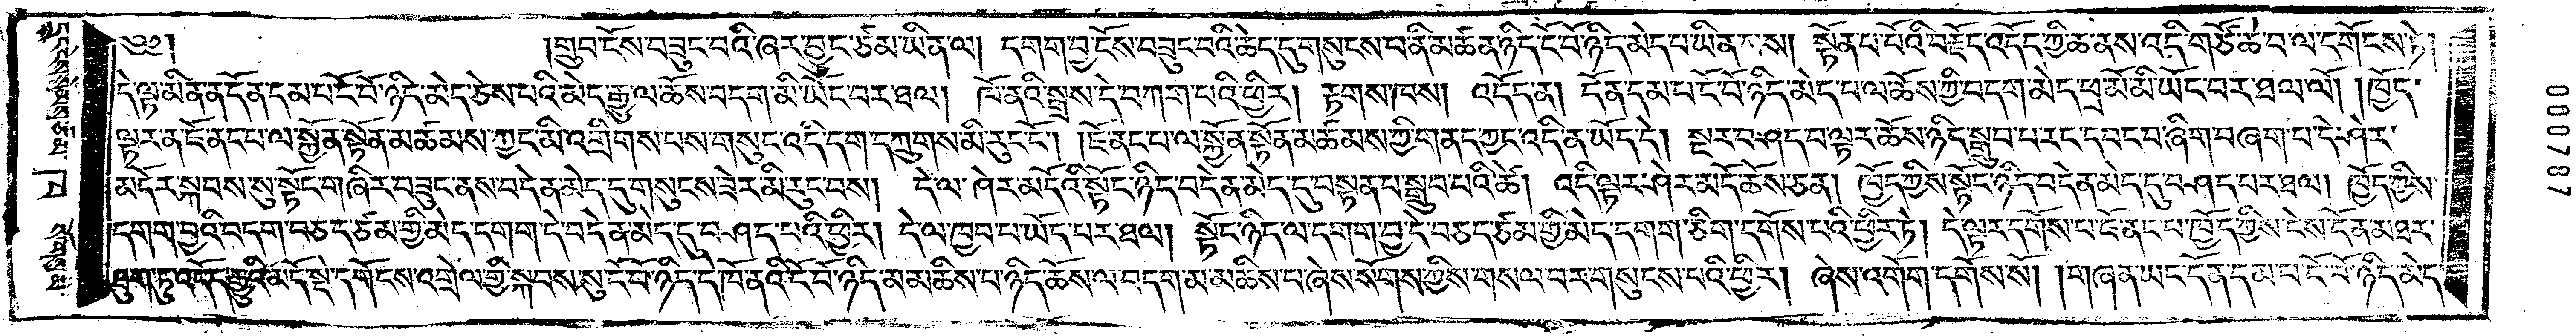༄༅། །གྲུབ་ངོས་བཟུང་བའི་ཞར་བྱུང་ཙམ་ཡིན་ལ། དགག་བྱ་ངོས་བཟུང་བའི་ཆེད་དུ་གསུངས་པ་ནི་མཚན་ཉིད་ངོ་བོ་ཉིད་མེད་པ་ཡིན་པས། སྟོན་པ་པོའི་བརྗོད་འདོད་ཀྱི་ཆ་ནས་འདི་གཙོ་ཆེ་བ་ལ་དགོངས་ཏེ།
དེ་ལྟ་མིན་ན་དོན་དམ་པ་ངོ་བོ་ཉིད་མེད་ཅེས་པའི་མེད་རྒྱུ་ལ་ཆོས་བདག་མི་ཡོང་བར་ཐལ། ཁོ་ནའི་སྒྲས་དེ་བཀག་པའི་ཕྱིར། རྟགས་ཁས། འདོད་ན། དོན་དམ་པ་ངོ་བོ་ཉིད་མེད་པ་ལ་ཆོས་ཀྱི་བདག་མེད་ཕྲ་མོ་མི་ཡོང་བར་ཐལ་ལོ། །ཁྱོད་
ལྟར་ན་ཇོ་ནང་པ་ལ་སྐྱོན་སྟོན་མཚམས་ཀྱང་མི་འགྲིགས་པས་གསུང་འདི་དག་དཀྲུགས་མི་རུང་ངོ། །ཇོ་ནང་པ་ལ་སྐྱོན་སྟོན་མཚམས་ཀྱི་གནད་ཀྱང་འདི་ན་ཡོད་དེ། སྔར་བཤད་པ་ལྟར་ཆོས་ཉིད་སྒྲུབ་པ་རང་དབང་བ་ཞིག་བཞག་པ་དེ་ཤེར་
མདོར་སྐབས་སུ་སྟོང་གཞིར་བཟུང་ནས་བདེན་མེད་དུ་གསུངས་ཟེར་མི་རུང་བས། དེ་ལ་ཤེར་མདོའི་སྟོང་ཉིད་བདེན་མེད་དུ་བསྟན་པ་སྒྲུབ་པའི་ཚེ། འདི་ལྟར་ཤེར་མདོ་ཆོས་ཅན། ཁྱོད་ཀྱིས་སྟོང་ཉིད་བདེན་མེད་དུ་བཤད་པར་ཐལ། ཁྱོད་ཀྱིས་
དགག་བྱའི་བདག་བཅད་ཙམ་གྱི་མེད་དགག་དེ་བདེན་མེད་དུ་བཤད་པའི་ཕྱིར། དེ་ལ་ཁྱབ་པ་ཡོད་པར་ཐལ། སྟོང་ཉིད་ལ་དགག་བྱ་དེ་བཅད་ཙམ་གྱི་མེད་དགག་ཅིག་དགོས་པའི་ཕྱིར་ཏེ། དེ་ལྟར་དགོས་པ་ཇོ་ནང་པ་ཁྱོད་ཀྱིས་ངེས་དོན་མཐར་
ཐུག་ཏུ་འདོད་རྒྱུའི་མདོ་སྡེ་དགོངས་འགྲེལ་གྱི་སྐབས་སུ་ངོ་བོ་ཉིད་དེ་ཁོ་ནའི་ངོ་བོ་ཉིད་མ་མཆིས་པ་ཉིད་ཆོས་ལ་བདག་མ་མཆིས་པ་ཞེས་སོགས་ཀྱིས་གསལ་བར་གསུངས་པའི་ཕྱིར། ཞེས་འགོག་དགོས་སོ། །གཞན་ཡང་དོན་དམ་པ་ངོ་བོ་ཉིད་མེད་